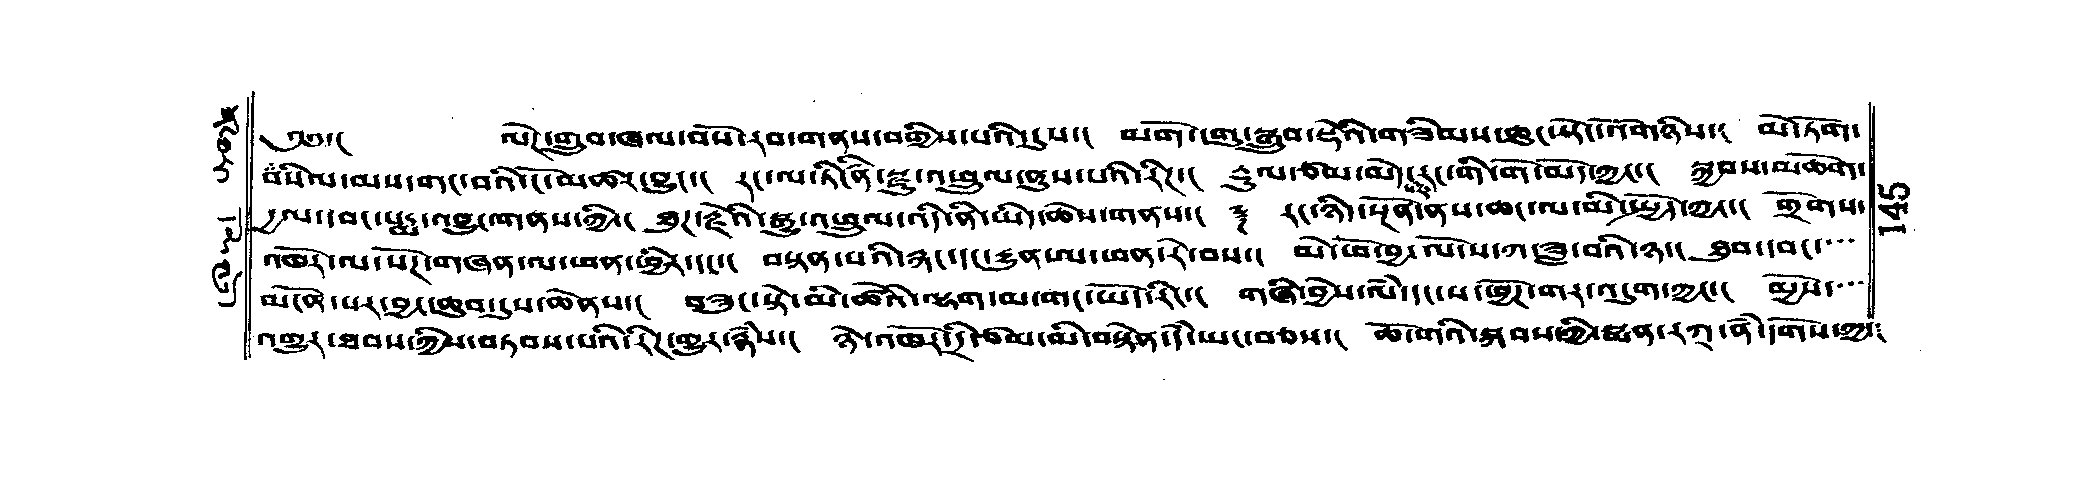།ལེགས་གྲུབ་ཞལ་བསོ་རབ་གནས་བགྱིས་པའི་དུས། །མགོ་དགུ་སྒྲུབ་སྡེའི་གཟིམས་ཆུང་སྟེང་འོག་གཉིས། །མེ་ཏོག་
བསིལ་མས་གང་བའི་ངོ་མཚར་བྱུང་། །རང་ལ་ཏིང་འཛིན་རྫུ་འཕྲུལ་ནུས་པའི་རིགས། །རྡུལ་ཙམ་མེད་པར་རང་གི་གོ་མོད་ཀྱང་། །སྐྱབས་མཆོག་
རྒྱལ་དབང་པདྨ་འབྱུང་གནས་ཀྱི། །ཐུགས་རྗེའི་སྒྱུ་འཕྲུལ་འདི་ནི་ཡིད་ཆེས་གནས། །རང་ཉིད་སྡོན་ནས་ཆང་ལ་མི་སྤྱོད་ཀྱང་། །གྲོགས་
འཁོར་ལ་སོགས་གཞན་ལ་ཕན་ཕྱིར་དག་། །བསྟན་པའི་རྐང་དང་རྒྱུན་ལ་ཕན་རེ་བས། །མེ་ཕོ་བྱ་ལོ་ས་ག་ཟླ་བའི་ཉ། །ཐུབ་དབང་
མངོན་པར་བྱང་ཆུབ་དུས་ཆེན་ནས། །བཟུང་སྟེ་མི་ཚེའི་ལྷག་མ་གང་ཡོད་རིང་། །གཞིས་བྱེས་ལམ་དང་ས་ཕྱོགས་གར་འདུག་ཀྱང་། །མྱོས་
འགྱུར་ཕབས་ཀྱིས་བཏབ་པའི་རིགས་གྱུར་རྣམས། །ཉེ་འཁོར་དྲི་ཙམ་མི་བསྟེན་དམ་ཡང་བཅས། །ཆོ་གའི་སྐབས་ཀྱི་སྨན་རཀ་ནམ་དགོས་ཀྱང་།